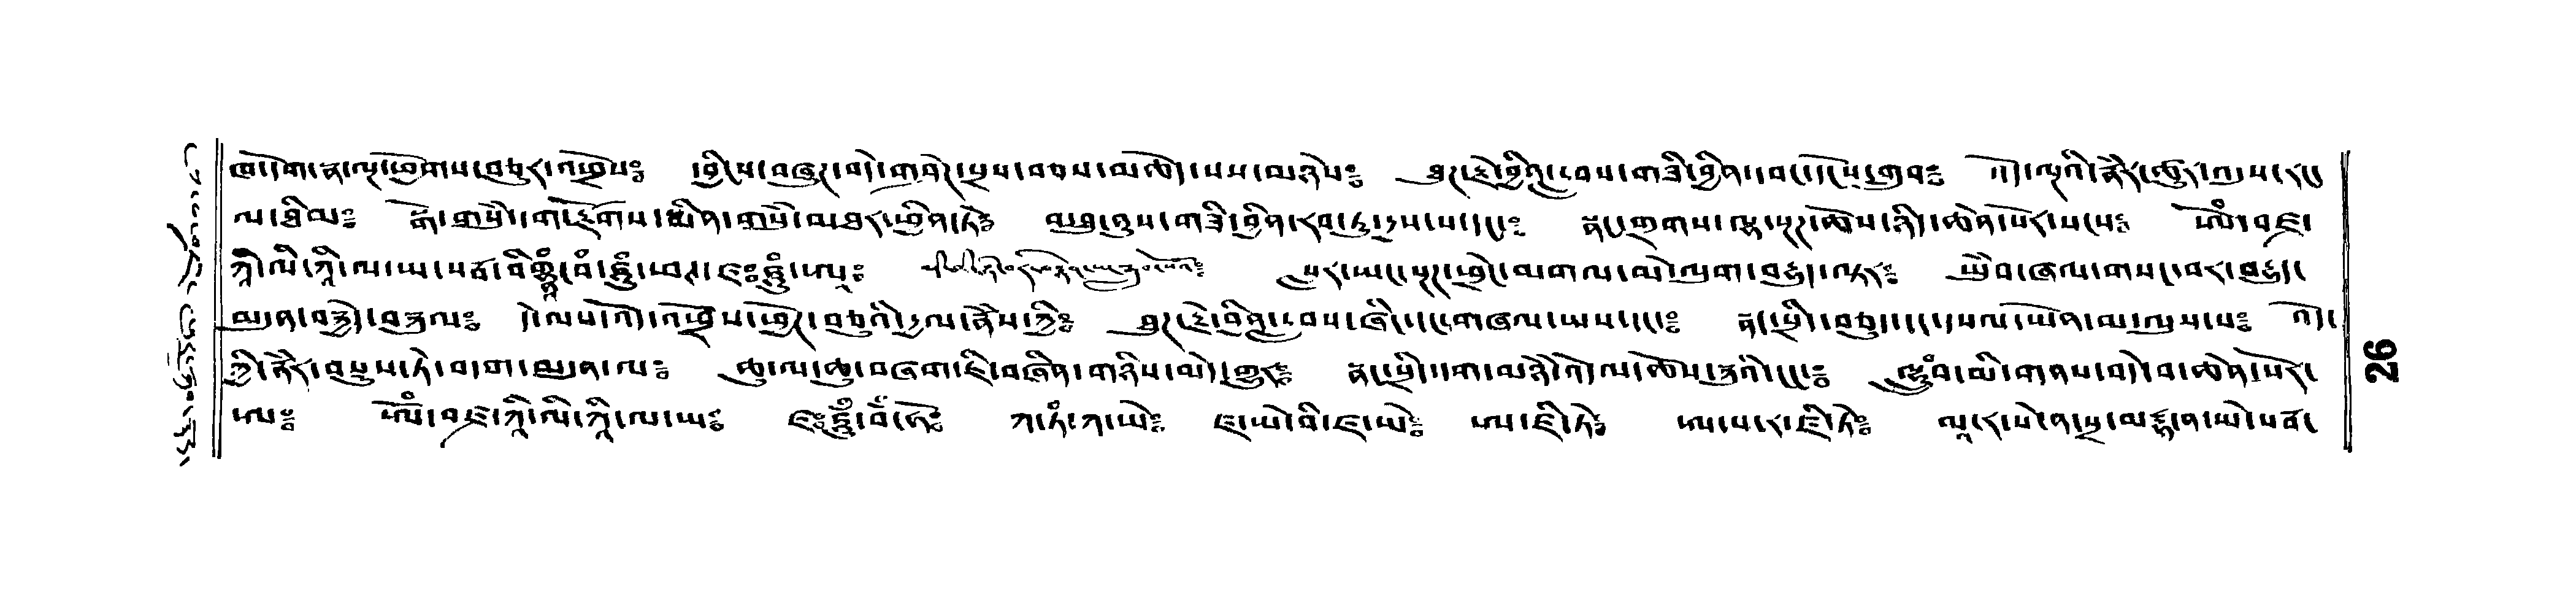ཁ་དོག་སྣ་ལྔ་ཕྱོགས་བཅུར་འཕྲོས༔ དབྱིངས་བཞུགས་བདེ་གཤེགས་སྲས་བཅས་མཆོད་པས་མཉེས༔ ཐུགས་རྗེ་བྱིན་རླབས་གཟི་བྱིན་དབང་དངོས་གྲུབ༔ འོད་ལྔའི་རྣམ་པར་ཚུར་འདུས་རང་
ལ་ཐིམ༔ སྒོ་གསུམ་དག་རྫོགས་སྨིན་གསུམ་མཐར་ཕྱིན་ཏེ༔ མཐུ་ནུས་གཟི་བྱིན་རབ་ཏུ་རྒྱས་པ་དང༔ སྣང་གྲགས་ལྷ་སྔགས་ཆོས་ཉིད་ཆེན་པོར་སངས༔ ཨོཾ་བཛྲ་
ཀཱི་ལི་ཀཱི་ལ་ཡ་སརྦ་བིགྷྣཱཾ་བྃ་ཧཱུྃ་ཕཊ་ཛཿཧཱུྃ་ཨཱཿ འདི་ནི་ཉེ་བར་བསྙེན་པ་སྒྲུབ་པའོ༔ སླར་ཡང་སྔགས་ཕྲེང་མགལ་མེ་ལུག་བརྒྱུད་ལྟར༔ ཡབ་ཡུམ་ཞལ་གསང་བར་བརྒྱུད་
མདུན་བསྐྱེད་བསྐུལ༔ དེ་ལ་འོད་འཕྲོས་ཕྱོགས་བཅུའི་རྒྱལ་རྣམས་ཀྱི༔ ཐུགས་རྗེ་བྱིན་རླབས་ཞིང་དང་གཞལ་ཡས་དང༔ སྣང་སྲིད་བཅུད་དང་དཔལ་ཡོན་མ་ལུས་པ༔ འོད་
ཀྱི་རྣམ་པར་བསྡུས་ཏེ་བདག་མདུན་ལ༔ ཆུ་ལ་ཆུ་བཞག་ཇི་བཞིན་གཉིས་མེད་གྱུར༔ སྣང་སྲིད་དག་མཉམ་འོད་གསལ་ཆོས་སྐུའི་ངང༔ ལྷུན་གྲུབ་མི་གནས་བདེ་བ་ཆེན་པོར་
ཨཱཿ ཨོཾ་བཛྲ་ཀཱི་ལི་ཀཱི་ལ་ཡ༔ ཛཿཧཱུྃ་བྃ་ཧོ༔ ཀ་ཏཾ་ཀ་ཡེ༔ ཛ་ཡེ་བི་ཛ་ཡེ༔ ཨ་ཛི་ཏེ༔ ཨ་པ་ར་ཛི་ཏེ༔ མཱ་ར་སེ་ན་པྲ་མརྡྷ་ན་ཡེ་སརྦ་